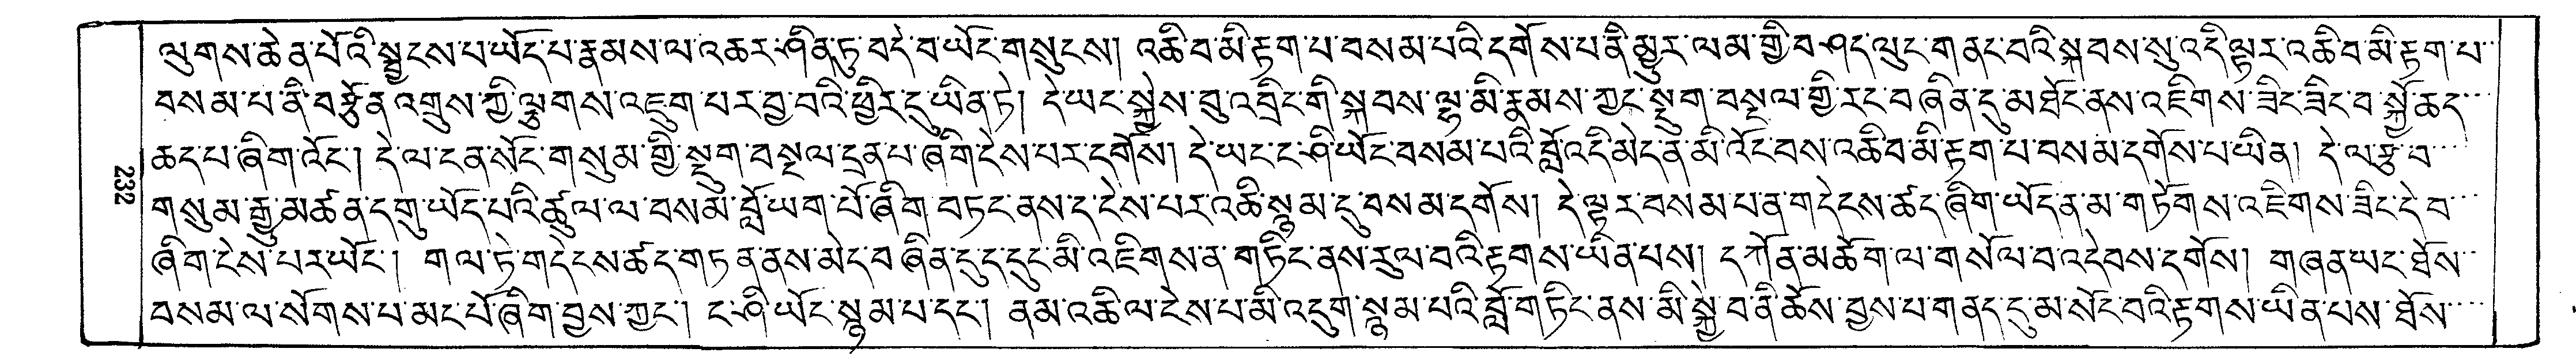ལུགས་ཆེན་པོའི་སྦྱངས་པ་ཡོད་པ་རྣམས་ལ་འཆར་ཤིན་ཏུ་བདེ་བ་ཡོང་གསུངས། འཆི་བ་མི་རྟག་པ་བསམ་པའི་དགོས་པ་ནི་མྱུར་ལམ་གྱི་བཤད་ལུང་གནང་བའི་སྐབས་སུ་འདི་ལྟར་འཆི་བ་མི་རྟག་པ་
བསམ་པ་ནི་བརྩོན་འགྲུས་ཀྱི་ལྕགས་འཇུག་པར་བྱ་བའི་ཕྱིར་དུ་ཡིན་ཏེ། དེ་ཡང་སྐྱེས་བུ་འབྲིང་གི་སྐབས་ལྷ་མི་རྣམས་ཀྱང་སྡུག་བསྔལ་གྱི་རང་བཞིན་དུ་མཐོང་ནས་འཇིགས་ཟིང་ཟིང་བ་སྐྱོ་ཆད་
ཆད་པ་ཞིག་འོང་། དེ་ལ་ངན་སོང་གསུམ་གྱི་སྡུག་བསྔལ་དྲན་པ་ཞིག་ངེས་པར་དགོས། དེ་ཡང་ང་ཤི་ཡོང་བསམ་པའི་བློ་འདི་མེད་ན་མི་འོང་བས་འཆི་བ་མི་རྟག་པ་བསམ་དགོས་པ་ཡིན། དེ་ལ་རྩ་བ་
གསུམ་རྒྱུ་མཚན་དགུ་ཡོད་པའི་ཚུལ་ལ་བསམ་བློ་ཡག་པོ་ཞིག་བཏང་ནས་ད་ངེས་པར་འཆི་སྙམ་དུ་བསམ་དགོས། དེ་ལྟར་བསམ་པ་ན་གདེངས་ཚད་ཞིག་ཡོད་ན་མ་གཏོགས་འཇིགས་ཟིང་ངེ་བ་
ཞིག་ངེས་པར་ཡོད། གལ་ཏེ་གདེངས་ཚད་གཏན་ནས་མེད་བཞིན་དུ་ད་དུང་མི་འཇིགས་ན་གཏིང་ནས་རུལ་བའི་རྟགས་ཡིན་པས། དཀོན་མཆོག་ལ་གསོལ་བ་འདེབས་དགོས། གཞན་ཡང་ཐོས་
བསམ་ལ་སོགས་པ་མང་པོ་ཞིག་བྱས་ཀྱང་། ང་ཤི་ཡོང་སྙམ་པ་དང་། ནམ་འཆི་ལ་ངེས་པ་མི་འདུག་སྙམ་པའི་བློ་གཏིང་ནས་མི་སྐྱེ་བ་ནི་ཆོས་བྱས་པ་གནད་དུ་མ་སོང་བའི་རྟགས་ཡིན་པས་ཐོས་